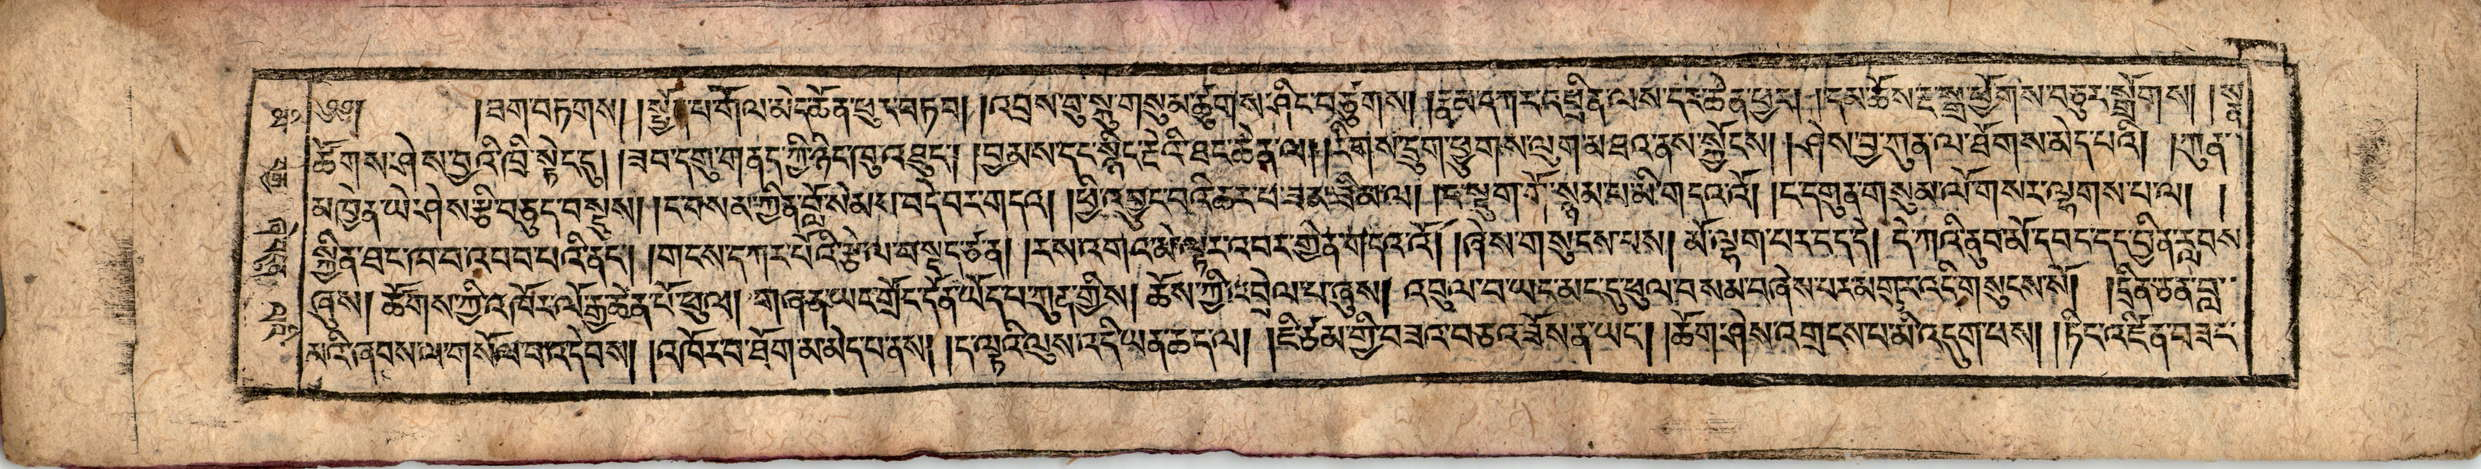ཐག་བཏགས། །སྤྱོད་པ་གོལ་མེད་ཆོན་ཕུར་བཏབ། །འབྲས་བུ་སྐུ་གསུམ་ཚུགས་ཤིང་བཙུགས། །རྣམ་དཀར་འཕྲིན་ལས་དར་ཆེན་ཕྱར། །དམ་ཆོས་རྔ་སྒྲ་ཕྱོགས་བཅུར་སྒྲོགས། །སྣ་
ཚོགས་ཤེས་བྱའི་ཁྲི་སྟེང་དུ། །ཟབ་དགུ་གནད་ཀྱི་ཉིང་ཁུ་འཐུང་། །བྱམས་དང་སྙིང་རྗེའི་ཐང་ཆེན་ལ།།རིགས་དྲུག་ཕྱུགས་ལུག་མཐའ་ནས་སྐྱོངས། །ཤེས་བྱ་ཀུན་ལ་ཐོགས་མེད་པའི། །ཀུན་
མཁྱེན་ཡེ་ཤེས་རྩི་བཅུད་བསྡུས། །ང་བསམ་ཀྱིན་བློ་སེམས་བདེ་བར་གདའ། །ཕྱི་འབྱུང་བའི་ཆར་པ་ཟམ་ཟིམ་ལ། །ད་སྡུག་གོ་སྙམ་པ་མི་གདའ་འོ། །ང་དགུན་གསུམ་ལོ་གསར་ལྷགས་པ་ལ། །
སྐྱིན་ཐང་ཁ་བ་འབབ་པའི་ནང་། །གངས་དཀར་པོའི་རྩེ་ལ་བསྡད་ཙ་ན། །རས་འགའ་མེ་ལྟར་འབར་གྱིན་གདའ་འོ། །ཞེས་གསུངས་པས། མོ་ལྷག་པར་ངད་དེ། དེ་ཀའི་ནུབ་མོ་དབང་དང་བྱིན་རླབས་
ཞུས། ཚོགས་ཀྱི་འཁོར་ལོ་རྒྱ་ཆེན་པོ་ཕུལ། གཞན་ཡང་གྲོང་དོན་ཡོད་པ་ཀུན་གྱིས། ཆོས་ཀྱི་འབྲེལ་བ་ཞུས། འབུལ་བ་ཡང་མང་དུ་ཕུལ་བས་མ་བཞེས་པར་མགུར་འདི་གསུངས་སོ། །དྲིན་ཅན་བླ་
མའི་ཞབས་ལ་གསོལ་བ་འདེབས། །འཁོར་བ་ཐོག་མ་མེད་པ་ནས། །ད་ལྟའི་ལུས་འདི་ཡན་ཆད་ལ། །ཇི་ཙམ་གྱི་བཟའ་བཅའ་ཟོས་ན་ཡང་། །ཆོག་ཤེས་འགྲངས་པ་མི་འདུག་པས། །ཏིང་འཛིན་བཟང་